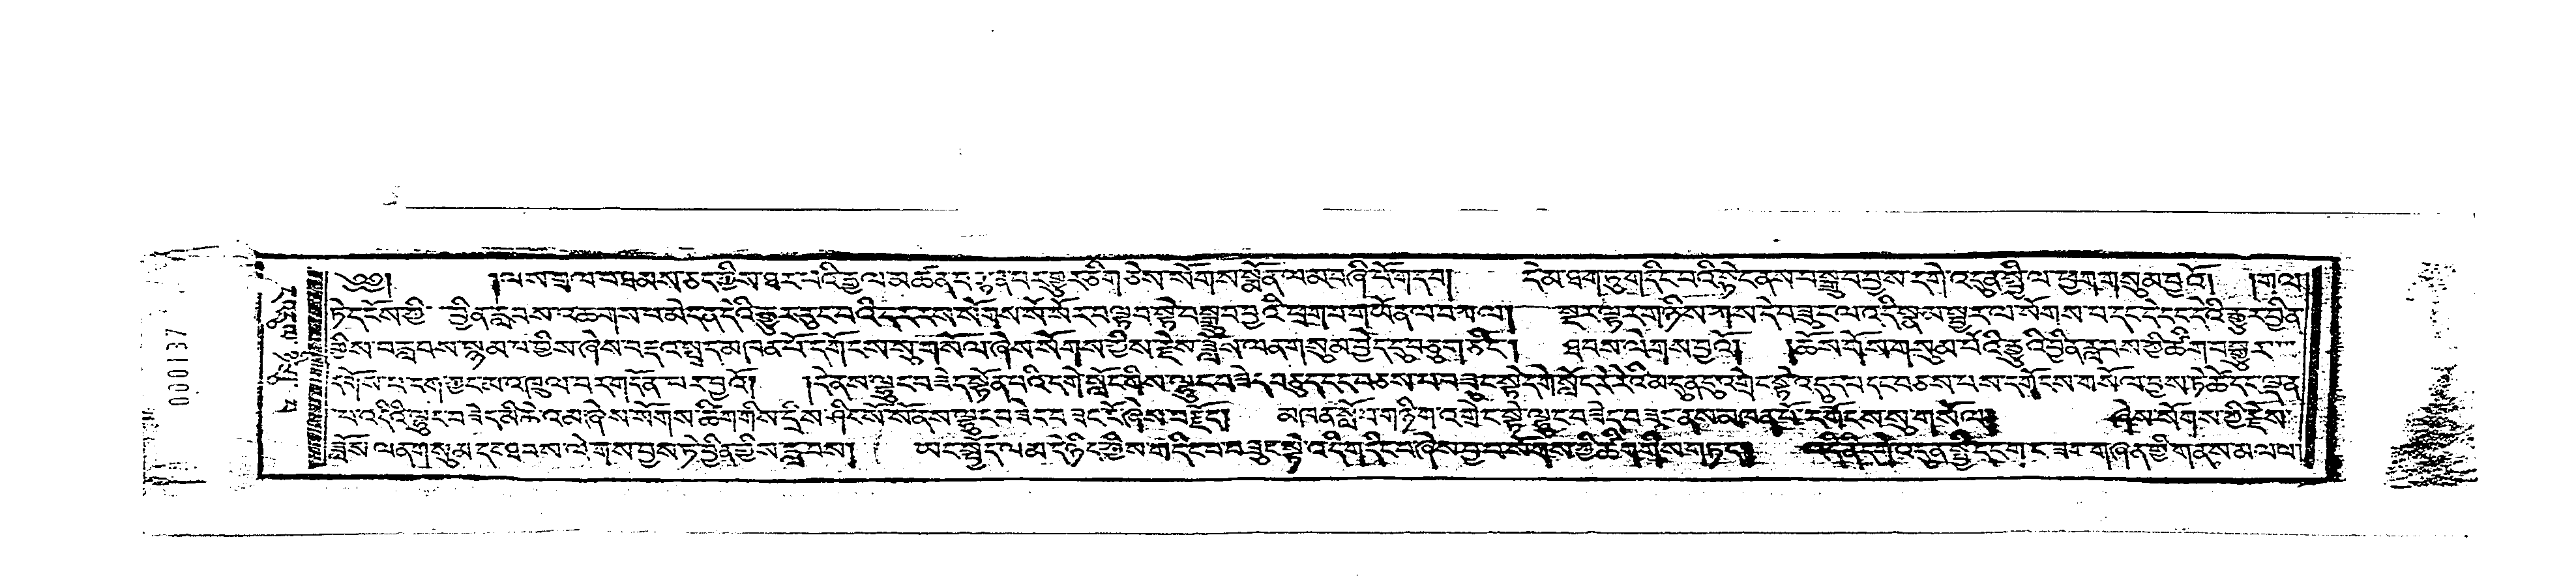༄༅། །ལས་གྲལ་བ་ཐམས་ཅད་ཀྱིས་ཐར་པའི་རྒྱལ་མཚན་བསྟན་པར་གྱུར་ཅིག་ཅེས་སོགས་སྨོན་ལམ་བཞི་པོ་གདབ། དེ་མ་ཐག་ཏུ་གདིང་བའི་སྟེང་ནས་བསྒྲུབ་བྱས་དགེ་འདུན་སྤྱི་ལ་ཕྱག་གསུམ་བྱའོ། །གལ་
ཏེ་དངོས་ཀྱི་བྱིན་རླབས་འཆགས་པ་མེད་ན་དེའི་རྒྱུར་རུང་བའི་དར་རས་སོགས་སོ་སོར་བལྟབ་སྟེ་བསྒྲུབ་བྱའི་ཕྲག་པ་གཡོན་ལ་བཀལ། སྔར་ལྟར་གཉིས་ཀས་དེ་བཟུང་ལ་འདི་སྣམ་སྦྱར་ལ་སོགས་པ་དང་དེ་དང་དེའི་རྒྱུར་བྱིན་
གྱིས་བརླབས་སྙམ་པ་གྱིས་ཞེས་བརྡའ་སྤྲད་མཁན་པོ་དགོངས་སུ་གསོལ་ཞེས་སོགས་ཀྱིས་རྗེས་ཟློས་ལན་གསུམ་བྱེད་དུ་བཅུག་ཅིང་། ཐབས་ལེགས་བྱའོ། །ཆོས་གོས་གསུམ་པོའི་རྒྱུའི་བྱིན་རླབས་ཀྱི་ཚིག་བསྒྱུར་
དགོས་པ་དག་ཀྱང་མ་འཁྲུལ་བར་གདོན་པར་བྱའོ། །དེ་ནས་ལྷུང་བཟེད་སྟོན་པའི་དགེ་སློང་གིས་ལྷུང་བཟེད་བཅུད་དང་བཅས་པ་བཟུང་སྟེ་དགེ་སློང་རེ་རེའི་མདུན་དུ་འགྲེང་སྟེ་འདུད་པ་དང་བཅས་པས་དགོངས་གསོལ་བྱས་ཏེ་ཚེ་དང་ལྡན་
པ་འདིའི་ལྷུང་བཟེད་མི་ཆེ་འམ་ཞེས་སོགས་ཚིག་གིས་དྲིས་ཤིང་སོ་སོ་ནས་ལྷུང་བཟེད་བཟང་ངོ་ཞེས་བརྗོད། མཁན་སློབ་གཉི་ག་འགྲེང་སྟེ་ལྷུང་བཟེད་བཟུང་ནས་མཁན་པོ་དགོངས་སུ་གསོལ། ཞེས་སོགས་ཀྱི་རྗེས་
ཟློས་ལན་གསུམ་དང་ཐབས་ལེགས་བྱས་ཏེ་བྱིན་གྱིས་རླབས། ཡང་སྤྱོད་ལམ་དེ་ཉིད་ཀྱིས་གདིང་བ་བཟུང་སྟེ་འདི་གདིང་བ་ཞེས་བྱ་བ་སོགས་ཀྱི་ཚིག་གིས་གཏད། འདི་ནི་དགེ་འདུན་སྤྱི་དང་གང་ཟག་གཞན་གྱི་གནས་མལ་ལ་